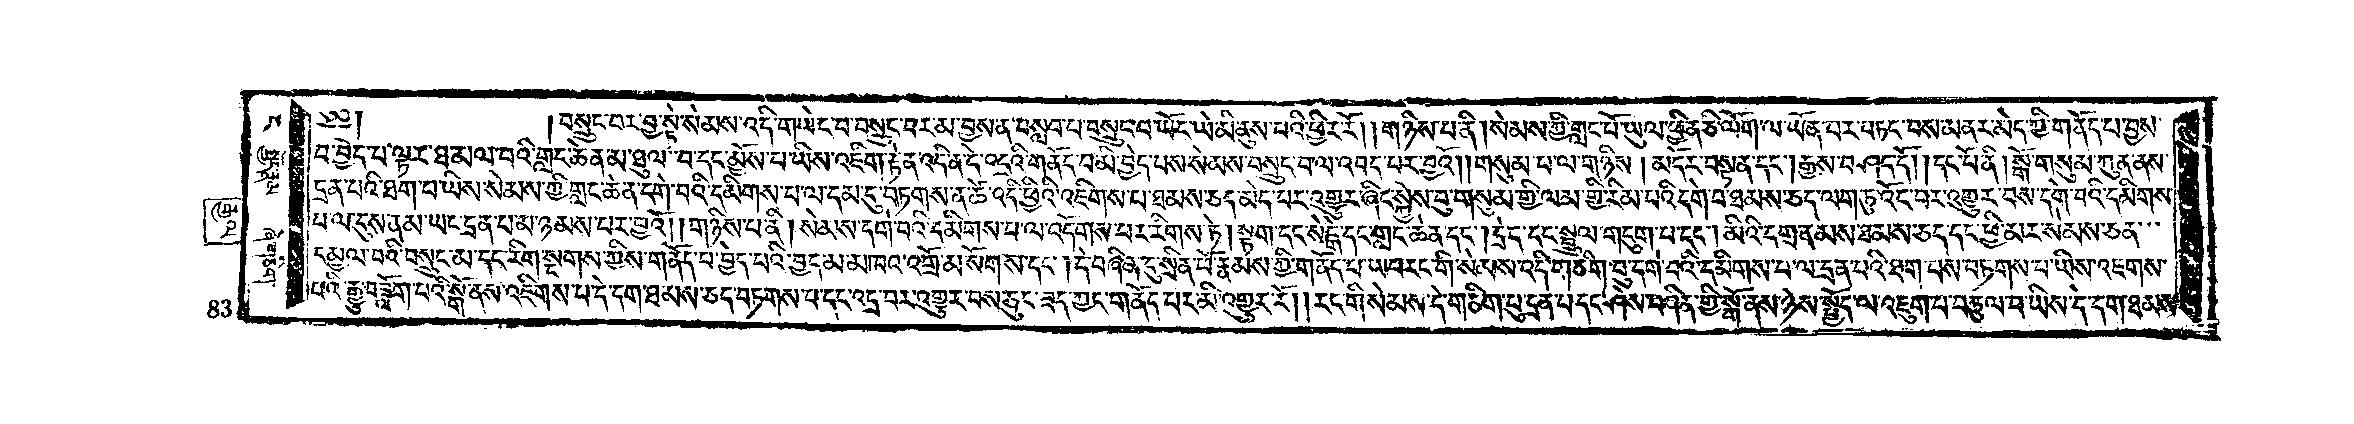༄༅། །བསྲུང་བར་བྱ་སྟེ་སེམས་འདི་གཡེང་བ་བསྲུང་བར་མ་བྱས་ན་བསླབ་པ་བསྲུང་བ་ཡོང་ཡི་མི་ནུས་པའི་ཕྱིར་རོ། །གཉིས་པ་ནི། སེམས་ཀྱི་གླང་པོ་ཡུལ་ཕྱིན་ཅི་ལོག་ལ་ཡོན་པར་བཏང་བས་མནར་མེད་ཀྱི་གནོད་པ་བྱས་
པ་བྱེད་པ་ལྟར་ཐ་མལ་པའི་གླང་ཆེན་མ་ཐུལ་པ་དང་མྱོས་པ་ཡིས་འཇིག་རྟེན་འདི་ན་དེ་འདྲའི་གནོད་པ་མི་བྱེད་པས་སེམས་བསྲུང་བ་ལ་འབད་པར་བྱའོ། །གསུམ་པ་ལ་གཉིས། མདོར་བསྟན་དང་། རྒྱས་བཤད་དོ། །དང་པོ་ནི། སྒོ་གསུམ་ཀུན་ནས་
དྲན་པའི་ཐག་པ་ཡིས་སེམས་ཀྱི་གླང་ཆེན་དགེ་བའི་དམིགས་པ་ལ་དམ་དུ་བཏགས་ན་ཚེ་འདི་ཕྱིའི་འཇིགས་པ་ཐམས་ཅད་མེད་པར་འགྱུར་ཞིང་སྐྱེས་བུ་གསུམ་གྱི་ལམ་གྱི་ལམ་གྱི་རིམ་པའི་དགེ་བ་ཐམས་ཅད་ལག་ཏུ་འོང་བར་འགྱུར་བས་དགེ་བའི་དམིགས་
པ་ལ་དུས་ནམ་ཡང་དྲན་པ་མ་ཉམས་པར་བྱའོ། །གཉིས་པ་ནི། སེམས་དགེ་བའི་དམིགས་པ་ལ་འདོགས་པར་རིགས་ཏེ། སྟག་དང་སེངགེ་དང་གླང་ཆེན་དང་། དྲེད་དང་སྤྲུལ་གདུག་པ་དང་། མིའི་དགྲ་ནམས་ཐམས་ཅད་དང་ཕྱི་མར་སེམས་ཅན་
དམྱལ་བའི་བསྲུང་མ་དང་རིག་སྔགས་ཀྱིས་གནོད་པ་བྱེད་པའི་བྱད་མ་མཁའ་འགྲོ་མ་སོགས་དང་། དེ་བཞིན་དུ་སྲིན་པོ་རྣམས་ཀྱི་གནོད་པ་ཡབ་རང་གི་སེམས་འདི་གཅིག་བུ་དགེ་བའི་དམིགས་པ་ལ་དྲན་པའི་ཐག་པས་བརྟགས་པ་ཡིས་འཇགས་
པའི་རྒྱུ་བཟློག་པའི་སྒོ་ནས་འཇིགས་པ་དེ་དག་ཐམས་ཅད་བཏགས་པ་དང་འདྲ་བར་འགྱུར་བས་ཅུང་ཟད་ཀྱང་གོན་པར་མི་འགྱུར་རོ། །རང་གི་སེམས་དེ་གཅིག་པུ་དྲན་པ་དང་ཤེས་བཞིན་གྱི་སྒོ་ནས་ཉེས་སྤྱོད་ལ་འཇུག་པ་བཅུ་ལ་བ་ཡིས་དེ་དག་ཐམས་